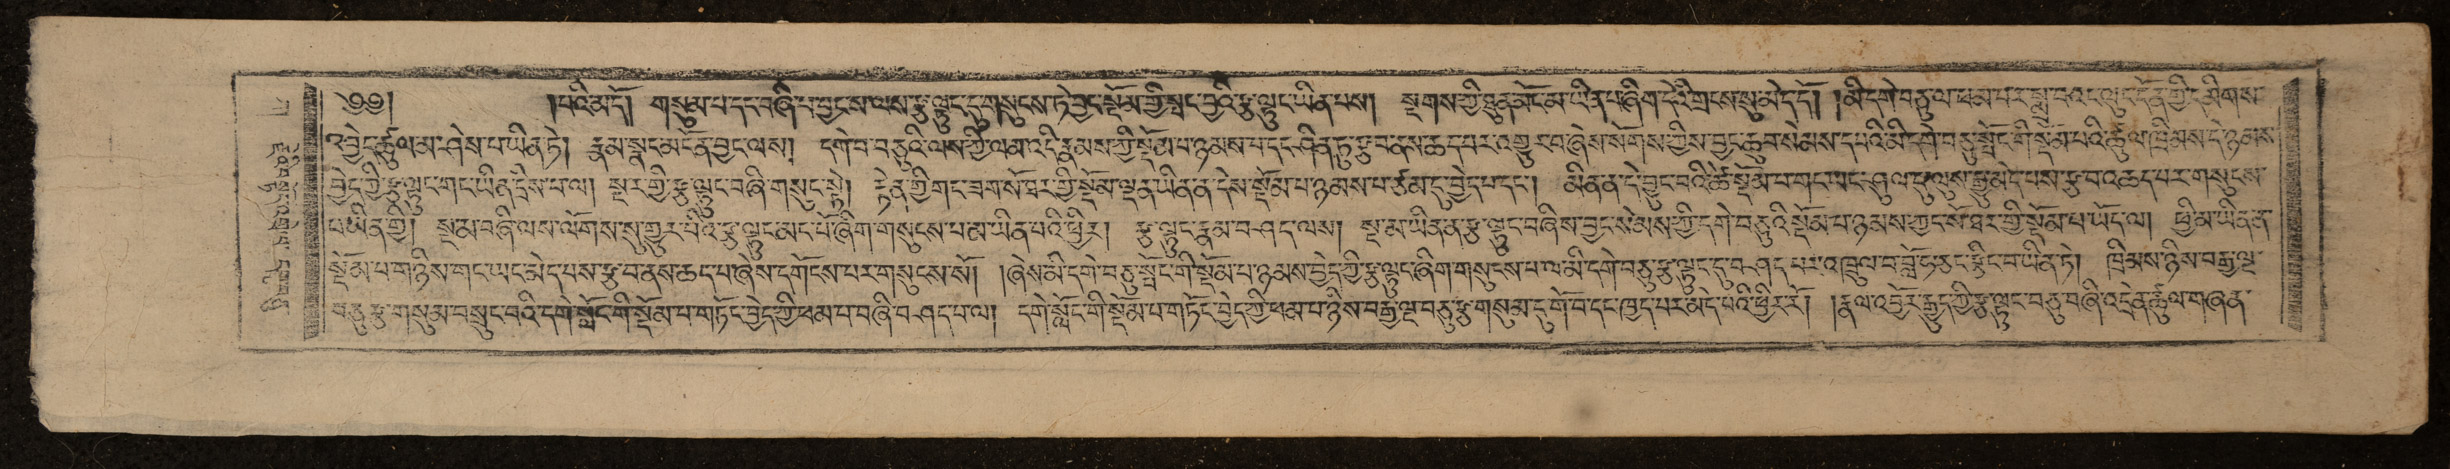༄༅། །བའི་མདོ། གསུམ་པ་དང་བཞི་པ་བྱངས་ལས་རྩ་ལྟུང་དུ་གསུངས་ཏེ་བྱང་སྡོམ་གྱི་སྤང་བྱའི་རྩ་ལྟུང་ཡིན་པས། སྔགས་ཀྱི་ཐུན་མོང་མ་ཡིན་པ་ཞིག་དེའི་གྲངས་སུ་མེད་དོ། །མི་དགེ་བཅུ་ལ་ཕམ་པར་སྨྲ་བའང་ལུང་དོན་གྱི་དམིགས་
འབྱེད་ཚུལ་མ་ཤེས་པ་ཡིན་ཏེ། རྣམ་སྣང་མངོན་བྱང་ལས། དགེ་བ་བཅུའི་ལས་ཀྱི་ལམ་འདི་རྣམས་ཀྱི་སྡོམ་པ་ཉམས་པ་དང་ཤིན་ཏུ་རྩ་བ་ནས་ཆད་པར་འགྱུར་བ་ཞེས་སོགས་ཀྱིས་བྱང་ཆུབ་སེམས་དཔའི་མི་དགེ་བཅུ་སྤོང་གི་སྡོམ་པའི་ཚུལ་ཁྲིམས་ད་ཉམས་
བྱེད་ཀྱི་རྩ་ལྟུང་གང་ཡིན་དྲིས་པ་ལ། སྔར་གྱི་རྩ་ལྟུང་བཞི་གསུང་སྟེ། རྟེན་གྱི་གང་ཟག་སོ་ཐར་གྱི་སྡོམ་ལྡན་ཡིན་ན་དེས་སྡོམ་པ་ཉམས་པ་ཙམ་དུ་བྱེད་པ་དང་། མིན་ན་དེ་བྱུང་བའི་ཚེ་སྡོམ་པ་གང་ཡང་ཤུལ་དུ་ལུས་རྒྱུ་མེད་པས་རྩ་བ་འཆད་པར་གསུངས་
པ་ཡིན་གྱི། སྔ་མ་བཞི་ལས་ལོགས་སུ་གྱུར་པའི་རྩ་ལྟུང་མང་པོ་ཞིག་གསུངས་པ་མ་ཡིན་པའི་ཕྱིར། རྩ་ལྟུང་རྣམ་བཤད་ལས། སྔ་མ་ཡིན་ན་རྩ་ལྟུང་བཞིས་བྱང་སེམས་ཀྱི་དགེ་བཅུའི་སྡོམ་པ་ཉམས་ཀྱང་སོ་ཐར་གྱི་སྡོམ་བ་ཡོད་ལ། ཕྱི་མ་ཡིན་ན་
སྡོམ་པ་གཉིས་གང་ཡང་མེད་པས་རྩ་བ་ནས་ཆད་བ་ཞེས་དགོངས་པར་གསུངས་སོ། །ཞེས་མི་དགེ་བཅུ་སྤོང་གི་སྡོམ་པ་ཉམས་བྱེད་ཀྱི་རྩ་ལྟུང་ཞིག་གསུངས་པ་ལ་མི་དགེ་བཅུ་རྩ་ལྟུང་དུ་བཤད་པར་འཁྲུལ་བ་བློ་ཧ་ཅང་རྩིང་བ་ཡིན་ཏེ། ཁྲིམས་ཉིས་བརྒྱ་ལྔ་
བཅུ་རྩ་གསུངས་བསྲུང་བའི་དགེ་སློང་གི་སྡོམ་པ་གཏོང་བྱེད་ཀྱི་ཕམ་པ་བཞི་བཤད་པ་ལ། དགེ་སློང་གི་སྔོམ་པ་གཏོང་བྱེད་ཀྱི་ཕམ་པ་ཉིས་བརྒྱ་ལྔ་བཅུ་རྩ་གསུམ་དུ་གོ་བ་དང་ཁྱད་པར་མེད་པའི་ཕྱིར་རོ། །རྣལ་འབྱོར་རྒྱུད་ཀྱི་རྩ་ལྟུང་བཅུ་བཞི་འདྲེན་ཚུལ་གཞན་